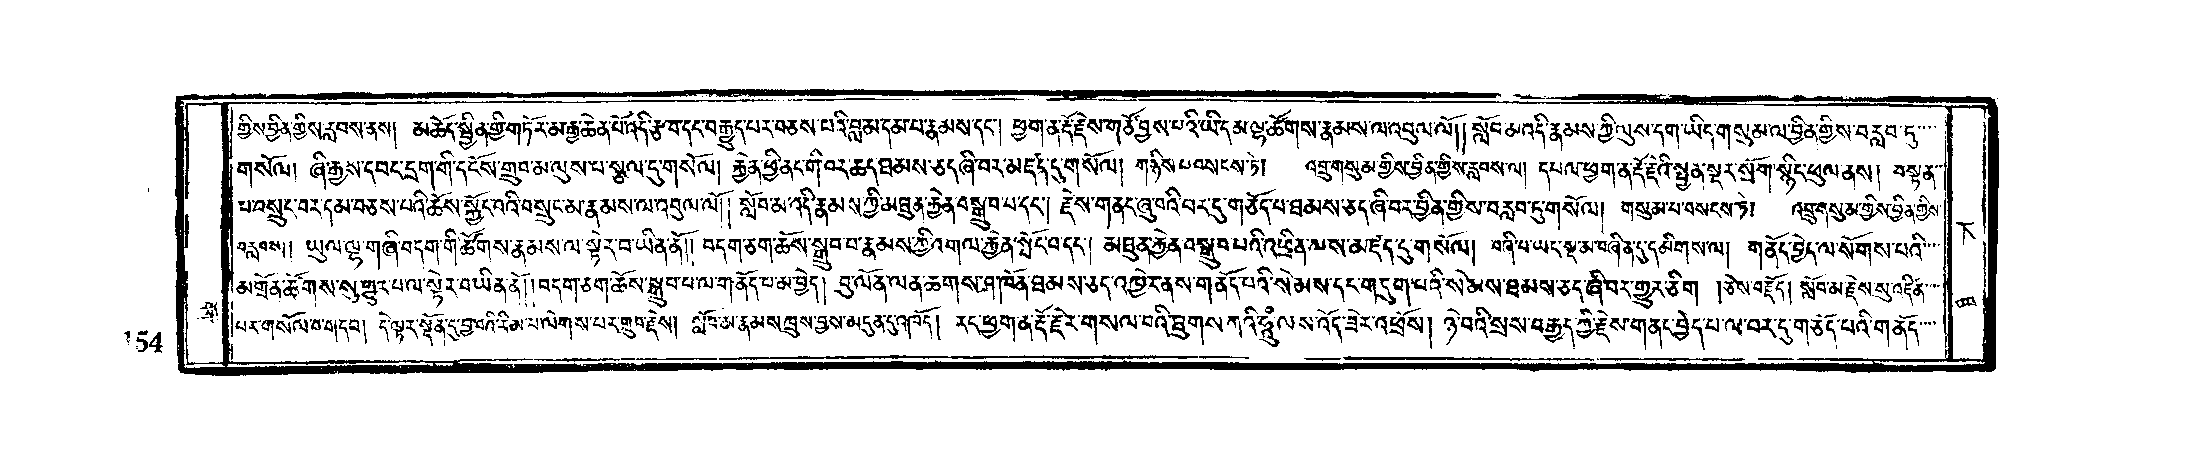གྱིས་བྱིན་གྱིས་རླབས་ནས། མཆོད་སྦྱིན་གྱི་གཏོར་མ་རྒྱ་ཆེན་པོ་འདི་རྩ་བ་དང་བརྒྱུད་པར་བཅས་པའི་བླ་མ་དམ་པ་རྣམས་དང་། ཕྱག་ན་རྡོ་རྗེས་གཙོ་བྱས་པའི་ཡི་དམ་ལྷ་ཚོགས་རྣམས་ལ་འབུལ་ལོ། །སློབ་མ་འདི་རྣམས་ཀྱི་ལུས་དག་ཡིད་གསུམ་ལ་བྱིན་གྱིས་བརླབ་ཏུ་
གསོལ། ཞི་རྒྱས་དབང་དྲག་གི་དངོས་གྲུབ་མ་ལུས་པ་སྩལ་དུ་གསོལ། རྐྱེན་ཕྱི་ནང་གི་བར་ཆད་ཐམས་ཅད་ཞི་བར་མཛད་དུ་གསོལ། གཉིས་པ་བསངས་ཏེ། འབྲུ་གསུམ་གྱིས་བྱིན་གྱིས་རླབས་ལ། དཔལ་ཕྱག་ན་རྡོ་རྗེའི་སྤྱན་སྔར་སྲོག་སྙིང་ཕུལ་ནས། བསྟན་
པ་བསྲུང་བར་དམ་བཅས་པའི་ཆོས་སྐྱོང་བའི་བསྲུང་མ་རྣམས་ལ་འབུལ་ལོ། །སློབ་མ་འདི་རྣམས་ཀྱི་མཐུན་རྐྱེན་བསྒྲུབ་པ་དང་། རྗེས་གནང་ཞུ་བའི་བར་དུ་གཅོད་པ་ཐམས་ཅད་ཞི་བར་བྱིན་གྱིས་བརླབ་ཏུ་གསོལ། གསུམ་པ་བསངས་ཏེ། འབྲུ་གསུམ་གྱིས་བྱིན་གྱིས་
བརླབས། །ཡུལ་ལྷ་གཞི་བདག་གི་ཚོགས་རྣམས་ལ་སྟེར་བ་ཡིན་ནོ། །བདག་ཅག་ཆོས་སྒྲུབ་པ་རྣམས་ཀྱི་འགལ་རྐྱེན་སྤོང་བ་དང་། མཐུན་རྐྱེན་བསྒྲུབ་པའི་འཕྲིན་ལས་མཛད་དུ་གསོལ། བཞི་པ་ཡང་སྔ་མ་བཞིན་དུ་དམིགས་ལ། གནོད་བྱེད་ལ་སོགས་པའི་
མགྲོན་ཚོགས་སུ་གྱུར་པ་ལ་སྟེར་བ་ཡིན་ནོ། །བདག་ཅག་ཆོས་སྒྲུབ་པ་ལ་གནོད་པ་མ་བྱེད། བུ་ལོན་ལན་ཆགས་ཤ་ཁོན་ཐམས་ཅད་འཁྱེར་ནས་གནོད་པའི་སེམས་དང་གདུག་པའི་སེམས་ཐམས་ཅད་ཞི་བར་གྱུར་ཅིག །ཅེས་བརྗོད། སློབ་མ་རྗེས་སུ་འཛིན་
པར་གསོལ་བ་གདབ། དེ་ལྟར་སྔོན་དུ་བྱ་བའི་རིམ་པ་ལེགས་པར་གྲུབ་རྗེས། སློབ་མ་རྣམས་ཁྲུས་བྱས་མདུན་དུ་འཁོད། རང་ཕྱག་ན་རྡོ་རྗེར་གསལ་བའི་ཐུགས་ཀའི་ཧཱུཾ་ལས་འོད་ཟེར་འཕྲོས། ཉེ་བའི་སྲས་བརྒྱད་ཀྱི་རྗེས་གནང་བྱེད་པ་ལ་བར་དུ་གཅོད་པའི་གནོད་